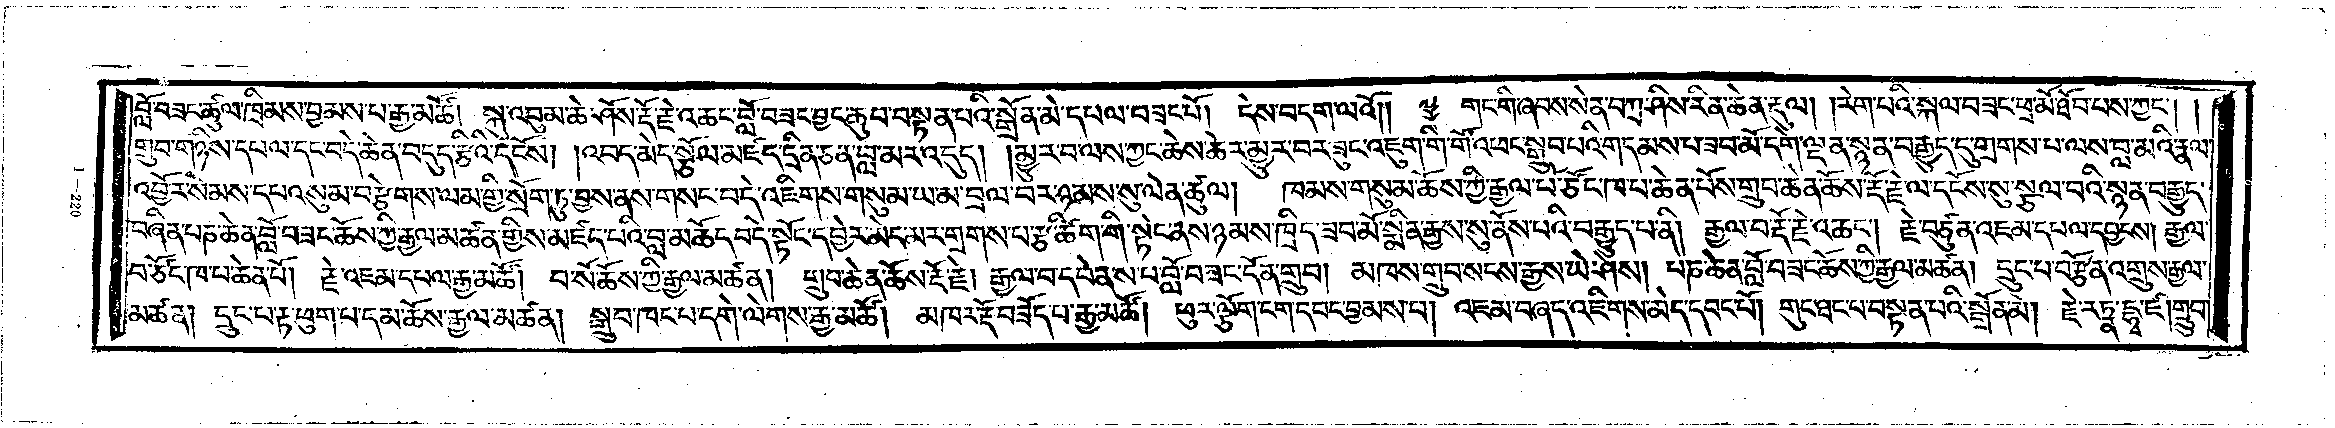བློ་བཟང་ཚུལ་ཁྲིམས་བྱམས་པ་རྒྱ་མཚོ། སྐུ་འབུམ་ཆེ་ཤོས་རྡོ་རྗེ་འཆང་བློ་བཟང་བྱང་ཆུབ་བསྟན་པའི་སྒྲོན་མེ་དཔལ་བཟང་པོ། དེས་བདག་ལའོ།། འ་གང་གི་ཞབས་སེན་བཀྲ་ཤིས་རིན་ཆེན་རྡུལ། །རེག་པའི་སྐལ་བཟང་ཕྲ་མོ་ཐོབ་པས་ཀྱང་། །
གྲུབ་གཉིས་དཔལ་དང་བདེ་ཆེན་བདུད་རྩིའི་དངོས། །འབད་མེད་སྩོལ་མཛད་དྲིན་ཅན་བླ་མར་འདུད། །མྱུར་བ་ལས་ཀྱང་ཆེས་ཆེར་མྱུར་བར་ཟུང་འཇུག་གི་གོ་འཕང་སྒྲུབ་པའི་གདམས་པ་ཟབ་མོ་དགེ་ལྡན་སྙན་བརྒྱུད་དུ་གྲགས་པ་ལས་བླ་མའི་རྣལ་
འབྱོར་སེམས་དཔའ་སུམ་བརྩེགས་ལམ་གྱི་སྲོག་ཏུ་བྱས་ནས་གསང་བདེ་འཇིགས་གསུམ་ཡ་མ་བྲལ་བར་ཉམས་སུ་ལེན་ཚུལ། ཁམས་གསུམ་ཆོས་ཀྱི་རྒྱལ་པོ་ཙོང་ཁ་པ་ཆེན་པོས་གྲུབ་ཆེན་ཆོས་རྡོ་རྗེ་ལ་དངོས་སུ་སྩལ་བའི་སྙན་བརྒྱུད་
བཞིན་པཎ་ཆེན་བློ་བཟང་ཆོས་ཀྱི་རྒྱལ་མཚན་གྱིས་མཛད་པའི་བླ་མཆོད་བདེ་སྟོང་དབྱེར་མེད་མར་གྲགས་པ་རྩ་ཚིག་གི་སྟེང་ནས་ཉམས་ཁྲིད་ཟབ་མོ་སྨིན་རྒྱས་སུ་ནོས་པའི་བརྒྱུད་པ་ནི། རྒྱལ་བ་རྡོ་རྗེ་འཆང་། རྗེ་བཙུན་འཇམ་དཔལ་དབྱངས། རྒྱལ་
བ་ཙོང་ཁ་པ་ཆེན་པོ། རྗེ་འཇམ་དཔལ་རྒྱ་མཚོ། བ་སོ་ཆོས་ཀྱི་རྒྱལ་མཚན། གྲུབ་ཆེན་ཆོས་རྡོ་རྗེ། རྒྱལ་བ་དབེན་ས་པ་བློ་བཟང་དོན་གྲུབ། མཁས་གྲུབ་སངས་རྒྱས་ཡེ་ཤེས། པཎ་ཆེན་བློ་བཟང་ཆོས་ཀྱི་རྒྱལ་མཚན། དྲུང་པ་བརྩོན་འགྲུས་རྒྱལ་
མཚན། དྲུང་པ་རྟ་ཕུག་པ་དམ་ཆོས་རྒྱལ་མཚན། སྒྲུབ་ཁང་པ་དགེ་ལེགས་རྒྱ་མཚོ། མཁར་རྡོ་བཟོད་པ་རྒྱ་མཚོ། ཕུར་ལྕོག་ངག་དབང་བྱམས་པ། འཇམ་བཞད་འཇིགས་མེད་དབང་པོ། གུང་ཐང་པ་བསྟན་པའི་སྒྲོན་མེ། རྗེ་རཏྣ་དྷྭ་ཛ་།གྲུབ་